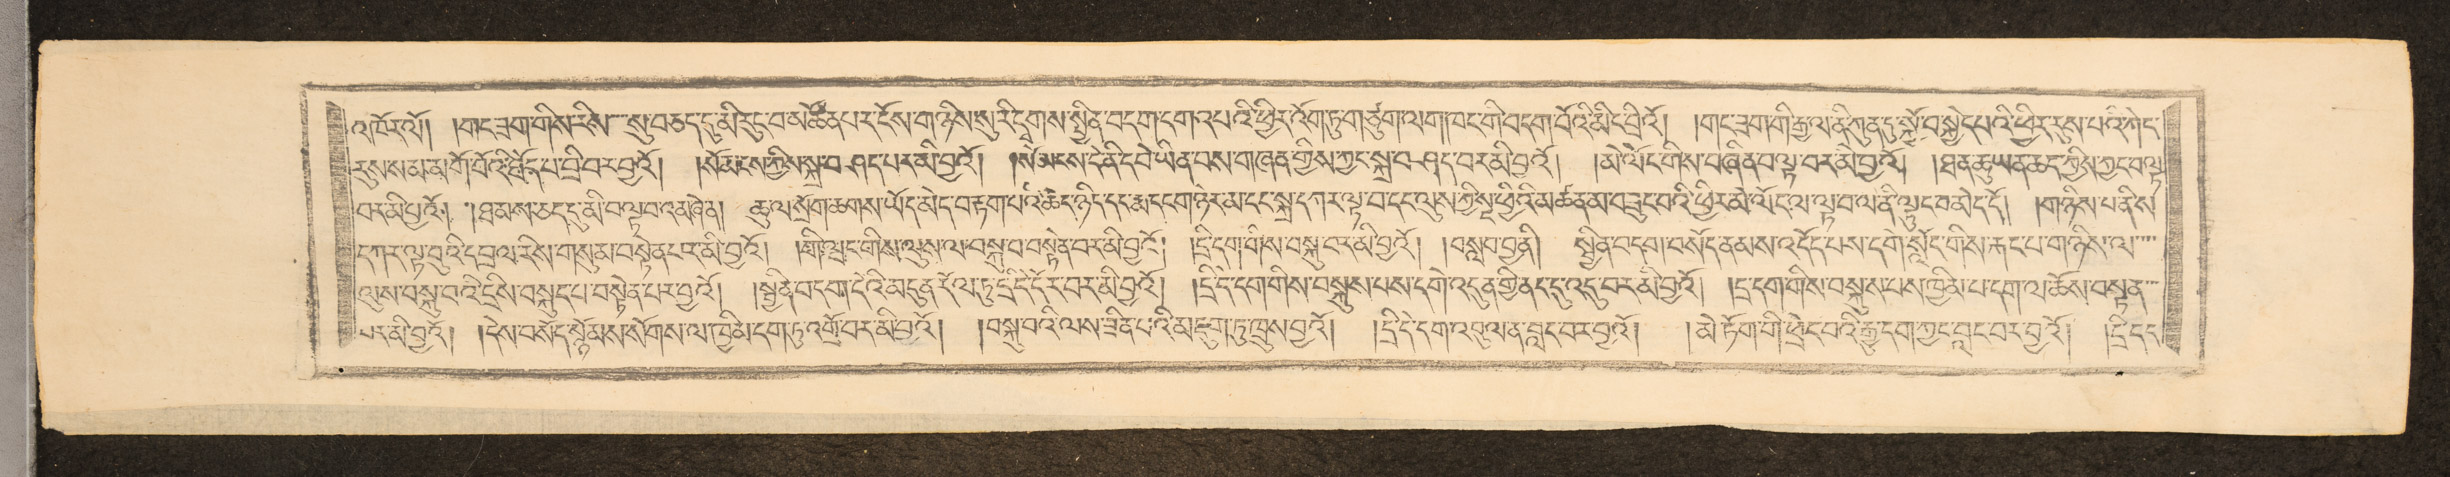འཁོར་ལོ། །གང་ཟག་གིས་རིས་སུ་བཅད་དུ་མི་རུང་བ་མཚོན་པར་ངོས་གཉིས་སུ་རི་དྭགས་།སྦྱིན་བདག་དགའ་བའི་ཕྱིར་འོག་ཏུ་གཙུག་ལག་ཁང་གི་བདག་པོའི་མིང་བྲིའོ། །གང་ཟག་གི་རྒྱལ་ནི་ཀུན་ཏུ་སྐྱོ་བ་སྐྱེད་པའི་ཕྱིར་རུས་པའི་ཀེང་
རུས་སམ་མགོ་བོའི་ཐོད་པ་བྲི་བར་བྱའོ། །སོ་མངས་ཀྱིས་སྐྲ་བཤད་པར་མི་བྱའོ། །སོ་མངས་དེ་ནི་དཔེ་ཡིན་པས་གཞན་གྱིས་ཀྱང་སྐྲ་བཤད་པར་མི་བྱའོ། །མེ་ལོང་གིས་བཞིན་བལྟ་བར་མི་བྱའོ། །ཐ་ན་ཆུ་ཡན་ཆད་ཀྱིས་ཀྱང་བལྟ་
བར་མི་བྱའོ། །ཐམས་ཅད་དུ་མི་བལྟ་འམ་ཞེ་ན། ཆུ་ལ་སྲོག་ཆགས་ཡོད་མེད་བརྟག་བའི་ཆེད་ཉིད་དང་རྨ་དང་གཉེར་མ་དང་སྐྲ་དཀར་ལྟ་བ་དང་ལུས་ཀྱི་སྔ་ཕྱིའི་མཚན་མ་བཟུང་བའི་ཕྱིར་མེ་ལོང་ལ་ལྟ་བ་ལ་ནི་ལྟུང་བ་མེད་དོ། །གཉིས་པ་ནི་ས་
དཀར་ལྟ་བུའི་དཔྲལ་རིས་གསུམ་བསྟེན་པར་མི་བྱའོ། །གི་ཝང་གིས་ལུས་ལ་བསྐུ་བ་བསྟེན་པར་མི་བྱའོ། །དྲི་དག་གིས་བསྐུ་བར་མི་བྱའོ། །བསླབ་བྱ་ནི། སྦྱིན་བདག་བསོད་ནམས་འདོད་པས་དགེ་སློང་གིས་རྐང་པ་གཉིས་ལ་
ལུས་བསྐུ་བའི་དྲིས་བསྐུད་པ་བསྟེན་པར་བྱའོ། །སྦྱིན་བདག་དེའི་མདུན་རོལ་ཏུ་དྲི་དེ་དོར་བར་མི་བྱའོ། །དྲི་དེ་དག་གིས་བསྐུས་པས་དགེ་འདུན་གྱི་ནང་དུ་འདུ་བར་མི་བྱའོ། །དྲི་དག་གིས་བསྐུས་པས་ཁྱིམ་པ་དག་ལ་ཆོས་བསྟན་
བར་མི་བྱའོ། །དེས་བསོད་སྙོམས་སོགས་ལ་ཁྱིམ་དག་ཏུ་འགྲོ་བར་མི་བྱའོ། །བསྐུ་བའི་ལས་ཟིན་པའི་མཇུག་ཏུ་ཁྲུས་བྱའོ། །དྲི་དེ་དག་འབུལ་ན་བླང་བར་བྱའོ། །མེ་ཏོག་གི་ཕྲེང་བའི་རྒྱུ་དག་ཀྱང་བླང་བར་བྱའོ། །དྲི་དང་